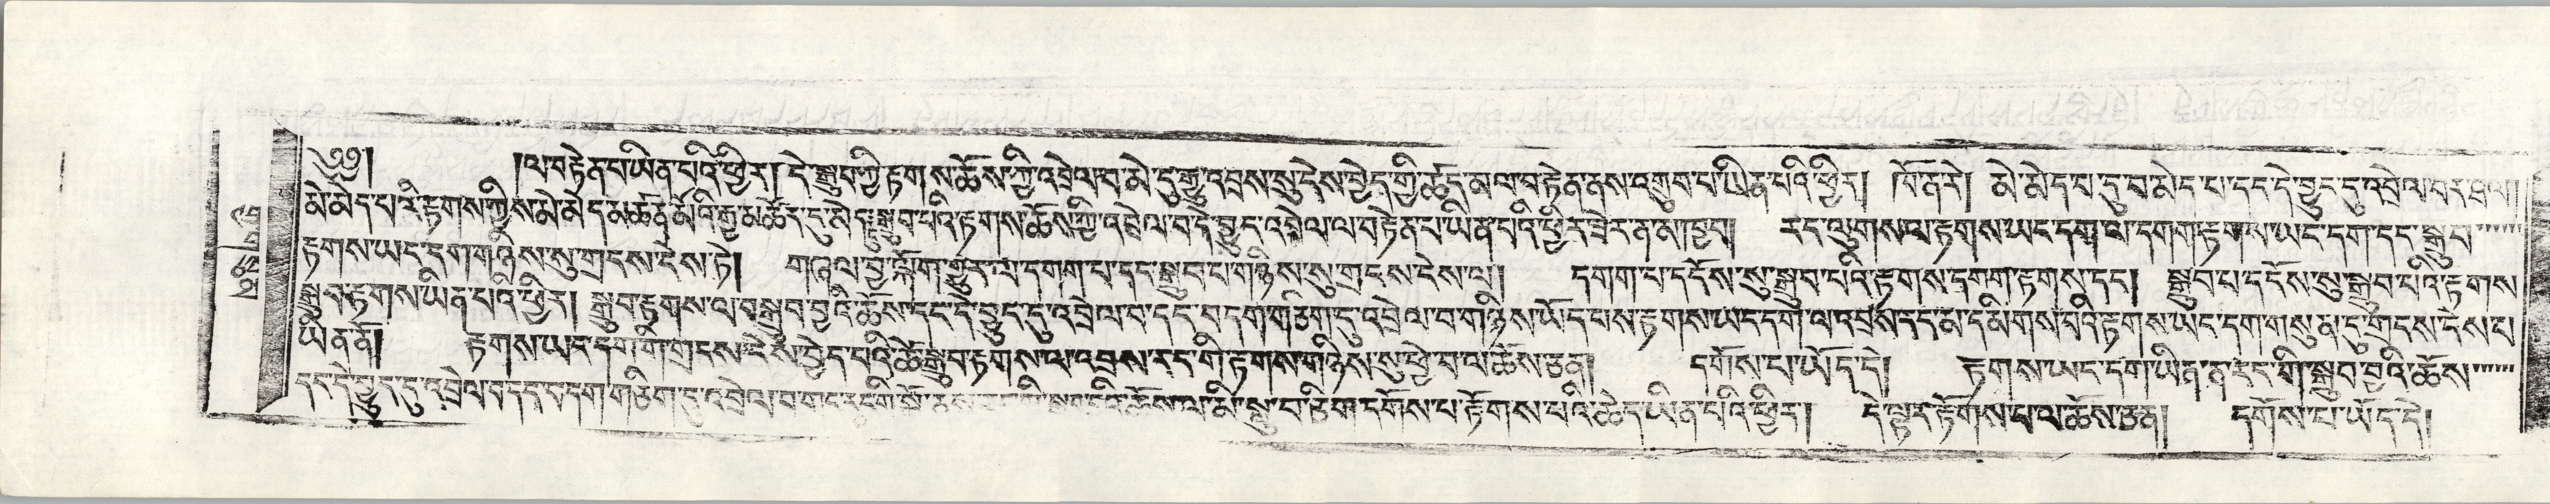༄༅། །ལ་བརྟེན་པ་ཡིན་པའི་ཕྱིར། དེ་སྒྲུབ་ཀྱི་རྟགས་ཆོས་ཀྱི་འབྲེལ་བ་མེ་དུ་རྒྱུ་འབྲས་སུ་ངེས་བྱེད་ཀྱི་ཚད་མ་ལ་བརྟེན་ནས་འགྲུབ་པ་ཡིན་པའི་ཕྱིར། ཁོ་ན་རེ། མེ་མེད་པ་དུ་བ་མེད་པ་དང་དེ་བྱུང་དུ་འབྲེལ་བར་ཐལ།
མེ་མེད་པའི་རྟགས་ཀྱིས་མེ་མེད་མཚན་མོའི་རྒྱ་མཚོར་དུ་མེད་ཏུ་སྒྲུབ་པའི་རྟགས་ཆོས་ཀྱི་འབྲེལ་བ་དེ་བྱུང་འབྲེལ་ལ་བརྟེན་པ་ཡིན་པའི་ཕྱིར་ཟེར་ན་མ་ཁྱབ། རང་ལུགས་ལ་རྟགས་ཡང་དག་ལ་དགག་རྟགས་ཡང་དག་དང་སྒྲུབ་
རྟགས་ཡང་དག་གཉིས་སུ་གྲངས་ངེས་ཏེ། གཞལ་བྱ་ལྐོག་གྱུར་ལ་དགག་པ་དང་སྒྲུབ་པ་གཉིས་སུ་གྲངས་ངེས་ལ། དགག་པ་དངོས་སུ་སྒྲུབ་པའི་རྟགས་དགག་རྟགས་དང་།སྒྲུབ་པ་དངོས་སུ་སྒྲུབ་པའི་རྟགས་
སྒྲུབ་རྟགས་ཡིན་པའི་ཕྱིར། སྒྲུབ་རྟགས་ལ་བསྒྲུབ་བྱའི་ཆོས་དང་དེ་བྱུང་དུ་འབྲེལ་བ་དང་བདག་གཅིག་དུ་འབྲེལ་བ་གཉིས་ཡོད་པས་རྟགས་ཡང་དག་ལ་འབྲས་རང་མ་དམིགས་པའི་རྟགས་ཡང་དག་གསུམ་དུ་གྲངས་ངེས་པ་
ཡིན་ནོ། རྟགས་ཡང་དག་གི་གྲངས་ངེས་འབྱེད་པའི་ཚེ་སྒྲུབ་རྟགས་ལ་འབྲས་རང་གི་རྟགས་གཉིས་སུ་ཕྱེ་བ་ལ་ཆོས་ཅན། དགོས་པ་ཡོད་དེ། རྟགས་ཡང་དག་ཡིན་ན་རང་གི་བསྒྲུབ་བྱའི་ཆོས་
དང་དེ་བྱུང་དུ་འབྲེལ་བ་དང་བདག་གཅིག་དུ་འབྲེལ་བ་གང་རུང་གི་སྒོ་ནས་རང་གི་བསྒྲུབ་བྱའི་ཆོས་ལ་མི་སླུ་བ་ཞིག་དགོས་པ་རྟོགས་པའི་ཆེད་ཡིན་པའི་ཕྱིར། དེ་ལྟར་རྟོགས་པ་ལ་ཆོས་ཅན། དགོས་པ་ཡོད་དེ།